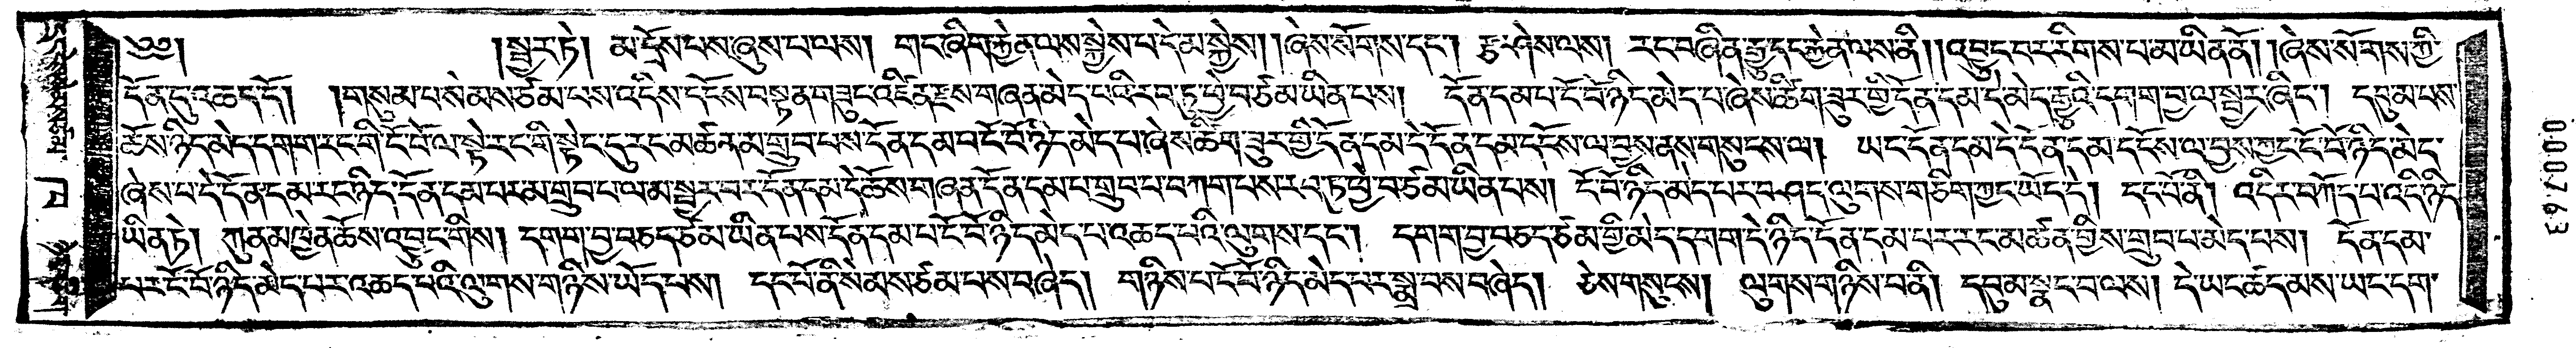༄༅། །སྦྱར་ཏེ། མ་དྲོས་པས་ཞུས་པ་ལས། གང་ཞིག་རྐྱེན་ལས་སྐྱེས་པ་དེ་མ་སྐྱེས། །ཞེས་སོགས་དང་། རྩ་ཤེས་ལས། རང་བཞིན་རྒྱུ་དང་རྐྱེན་ལས་ནི། །འབྱུང་བར་རིགས་པ་མ་ཡིན་ནོ། །ཞེས་སོགས་ཀྱི་
དོན་དུ་འཆད་དོ། །གསུམ་པ་སེམས་ཙམ་པས་འདིས་དངོས་བསྟན་གཟུང་འཛིན་རྫས་གཞན་མེད་པའི་རབ་ཏུ་ཕྱེ་བ་ཙམ་ཡིན་པས། དོན་དམ་པ་ངོ་བོ་ཉིད་མེད་པ་ཞེས་ཚིག་ཟུར་གྱི་དོན་དམ་དེ་མེད་རྒྱུའི་དགག་བྱ་ལ་སྦྱར་ཞིང་། དབུ་མ་པས་
ཆོས་ཉིད་མེད་དགག་རང་གི་ངོ་བོ་ལ་སྟེ་རང་གི་སྟེང་དུ་རང་མཚན་མ་གྲུབ་པས་དོན་དམ་པ་ངོ་བོ་ཉིད་མེད་པ་ཞེས་ཚིག་ཟུར་གྱི་དོན་དམ་དེ་དོན་དམ་དངོས་ལ་བྱས་ནས་གསུངས་ལ། ཡང་དོན་དམ་དེ་དོན་དམ་དངོས་ལ་བྱས་ཀྱང་ངོ་བོ་ཉིད་མེད་
ཅེས་པ་དེ་དོན་དམ་རང་ཉིད་དོན་དམ་པར་མ་གྲུབ་པ་ལ་མ་སྦྱར་བར་དོན་དམ་དེ་ཆོས་གཞན་དོན་དམ་པ་གྲུབ་པ་བཀག་པས་རབ་ཏུ་ཕྱེ་བ་ཙམ་ཡིན་པས། ངོ་བོ་ཉིད་མེད་པར་བཤད་ལུགས་གཅིག་ཀྱང་ཡོད་དེ། དང་པོ་ནི། འདིར་བཀོད་པ་འདི་ཉིད་
ཡིན་ཏེ། ཀུན་མཁྱེན་ཆོས་འབྱུང་གིས། དགག་བྱ་བཅད་ཙམ་ཡིན་པས་དོན་དམ་པ་ངོ་བོ་ཉིད་མེད་པ་འཆད་པའི་ལུགས་དང་། དགག་བྱ་བཅད་ཙམ་གྱི་མེད་དགག་དེ་ཉིད་དོན་དམ་པར་རང་མཚན་གྱིས་གྲུབ་པ་མེད་པས། དོན་དམ་
པར་ངོ་བོ་ཉིད་མེད་པར་འཆད་པའི་ལུགས་གཉིས་ཡོད་པས། དང་པོ་ནི་སེམས་ཙམ་པས་བཞེད། གཉིས་པ་ངོ་བོ་ཉིད་མེད་པར་སྨྲ་བས་བཞེད། ཅེས་གསུངས། ལུགས་གཉིས་པ་ནི། དབུ་མ་སྣང་བ་ལས། དེ་ཡང་ཚད་མས་ཡང་དག་